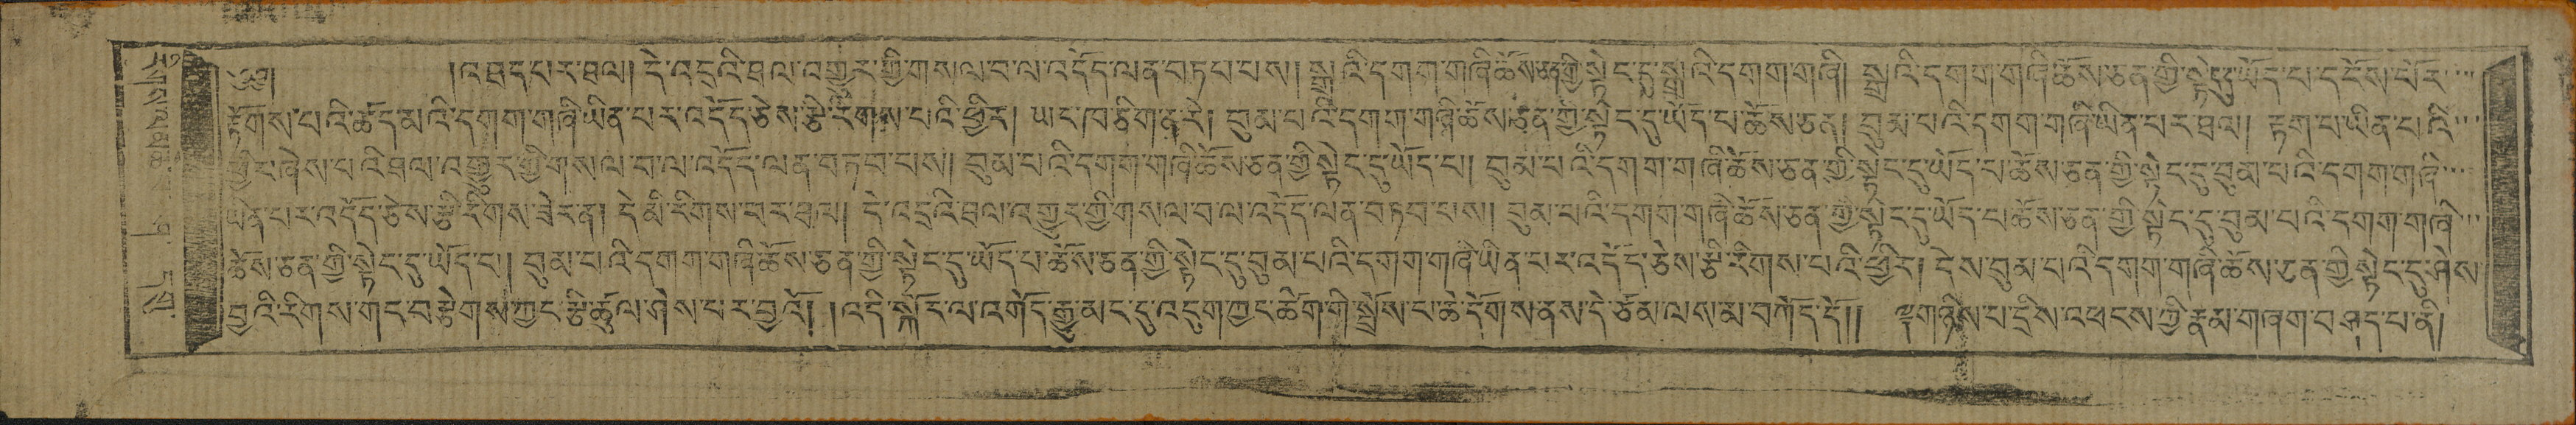༄༅། །འཐད་པར་ཐལ། དེ་འདྲའི་ཐལ་འགྱུར་གྱི་གསལ་བ་ལ་འདོད་ལན་བཏབ་པས། སྒྲའི་དགག་གཞི་ཆོས་ཅན་གྱི་སྟེང་དུ་སྒྲའི་དགག་གཞི། སྒྲའི་དགག་གཞི་ཆོས་ཅན་གྱི་སྟེང་དུ་ཡོད་པ་དངོས་པོར་
རྟོགས་པའི་ཚད་མའི་དགག་གཞི་ཡིན་པར་འདོད་ཅེས་རྩི་རིགས་པའི་ཕྱིར། ཡང་ཁ་ཅིག་ན་རེ། བུམ་པའི་དགག་གཞི་ཆོས་ཅན་གྱི་སྟེང་དུ་ཡོད་པ་ཆོས་ཅན། བུམ་པའི་དགག་གཞི་ཡིན་པར་ཐལ། རྟག་པ་ཡིན་པའི་
ཕྱིར་ཞེས་པའི་ཐལ་འགྱུར་གྱི་གསལ་བ་ལ་འདོད་ལན་བཏབ་པས། བུམ་པའི་དགག་གཞི་ཆོས་ཅན་གྱི་སྟེང་དུ་ཡོད་པ། བུམ་པའི་དགག་གཞི་ཆོས་ཅན་གྱི་སྟེང་དུ་ཡོད་པ་ཆོས་ཅན་གྱི་སྟེང་དུ་བུམ་པའི་དགག་གཞི་
ཡིན་པར་འདོད་ཅེས་རྩི་རིགས་ཟེར་ན། དེ་མི་རིགས་པར་ཐལ། དེ་འདྲའི་ཐལ་འགྱུར་གྱི་གསལ་བ་ལ་འདོད་ལན་བཏབ་པས། བུམ་པའི་དགག་གཞི་ཆོས་ཅན་གྱི་སྟེང་དུ་ཡོད་པ་ཆོས་ཅན་གྱི་སྟེང་དུ་བུམ་པའི་དགག་གཞི་
ཆོས་ཅན་གྱི་སྟེང་དུ་ཡོད་པ། བུམ་པའི་དགག་གཞི་ཆོས་ཅན་གྱི་སྟེང་དུ་ཡོད་པ་ཆོས་ཅན་གྱི་སྟེང་དུ་བུམ་པའི་དགག་གཞི་ཡིན་པར་འདོད་ཅེས་རྩི་རིགས་པའི་ཕྱིར། དེས་བུམ་པའི་དགག་གཞི་ཆོས་ཅན་གྱི་སྟེང་དུ་ཤེས་
བྱའི་རིགས་གང་བརྩེགས་ཀྱང་རྩི་ཚུལ་ཤེས་པར་བྱའོ། །འདི་སྐོར་ལ་འགོད་རྒྱུ་མང་དུ་འདུག་ཀྱང་ཚིག་གི་སྤྲོས་པ་ཆེ་དོགས་ནས་དེ་ཙམ་ལས་མ་བཀོད་དོ།། ༈ གཉིས་པ་དྲིས་འཕངས་ཀྱི་རྣམ་གཞག་བཤད་པ་ནི།